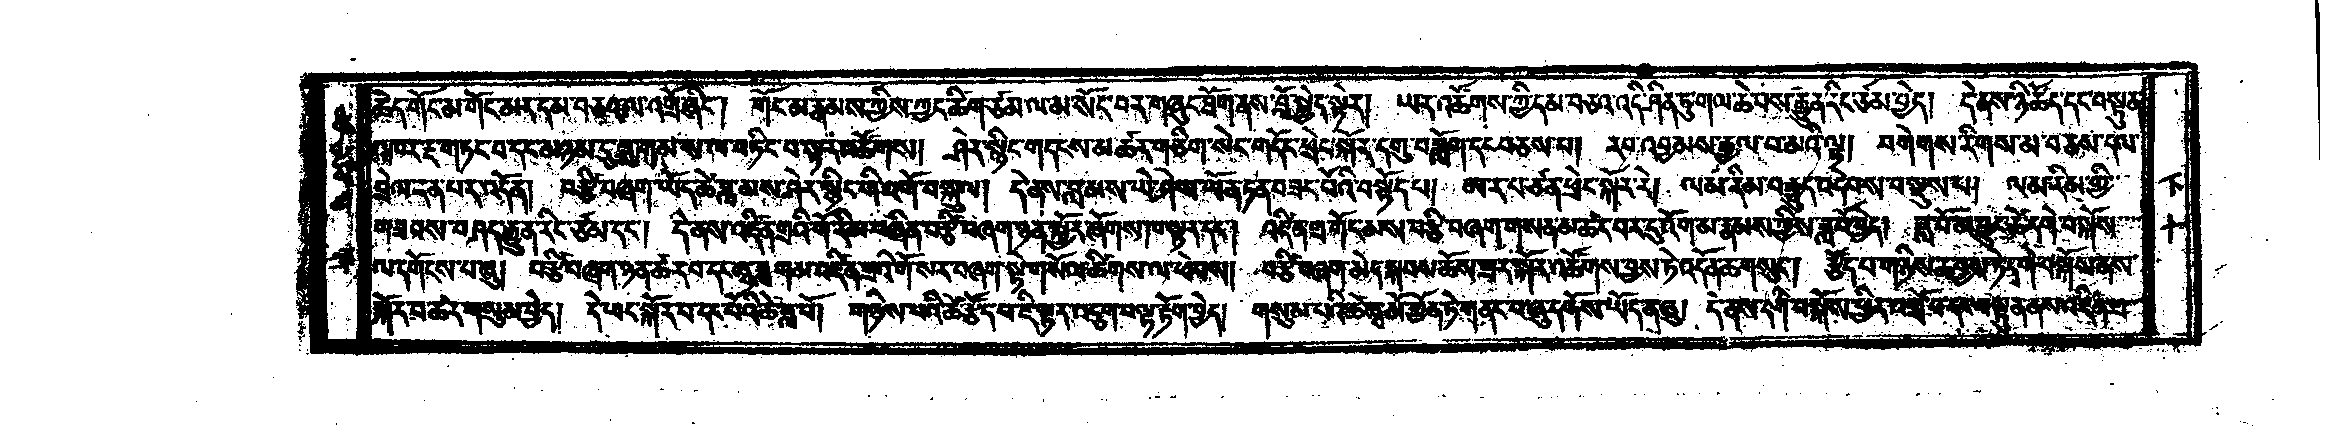ཆེད་གོང་མ་གོང་མར་དམ་བཅའ་ལ་འགྲོ་ཞིང་། གོང་མ་རྣམས་ཀྱིས་ཀྱང་ཚིག་ཙམ་ལ་མ་སོང་བར་གཞུང་ཐོག་ནས་བློ་སྐྱེད་སྟེར། ཡར་འཚོགས་ཀྱི་དམ་བཅའ་འདི་ཤིན་ཏུ་གལ་ཆེ་བས་རྒྱུན་རིང་ཙམ་བྱེད། དེ་ནས་ཉི་ཚོང་དང་བསྟུན་
འཁར་རྔ་གཏང་བ་དང་མཉམ་དུ་ཟླ་གམ་ས་ལ་བཏིང་བ་ལྟར་འཚོགས། ཤེར་སྙིང་གདངས་མ་ཚར་གཅིག་སེང་གདོང་ཕྲེང་སྐོར་དགུ་བཟློག་དང་བཅས་པ། རབ་འབྱམས་རྒྱལ་བ་མའི་ལྟ། བགེགས་རིགས་མ་བཅས་དལ་
བྲེལ་རན་པར་འདོན། བརྩི་བཞག་ཡོད་ཚེ་བླ་མས་ཤེར་སྙིང་གི་འགོ་བསྐུལ། དེ་ནས་བླ་མས་ཡེ་ཤེས་ཡོན་ཏན་བཟང་པོའི་བསྟོད་པ། ཨ་ར་པ་ཙ་ན་ཕྲེང་སྐོར་རེ། ལམ་རིམ་བརྒྱུད་འདེབས་བསྡུས་པ། ལམ་རིམ་གྱི་
གཟབས་བཤད་རྒྱུན་རིང་ཙམ་དང་། དེ་ནས་འཛིན་གྲའི་གོ་རིམས་བཞིན་བརྩི་བཞག་ཉན་སྐྱོར་ཞོགས་ཁ་ལྟར་དང་། འཛིན་གྲ་གོང་མས་བརྩི་བཞག་གསན་མ་ཚར་བར་དུ་འོག་མ་རྣམས་ཀྱིས་ཟླ་བོ་བྱེད། ཟླ་བོ་མ་བྱུང་ཚེ་དགེ་བསྐོས་
ལ་དགོངས་པ་ཞུ། བརྩི་བཞག་ཉན་ཚར་བ་དང་ཞྭ་ཟླ་གམ་འཛིན་གྲའི་གོ་སར་བཞག་སྟེ་གསོལ་ཚིགས་ལ་ཕེབས། བརྩི་བཞག་མེད་སྐབས་ཆོས་གྲར་སྐོར་འཚོགས་བྱས་ཏེ་འདོན་ཆ་གསུང་། རྩོད་པ་གཉིས་ཆ་བྱས་ཏེ་དགེ་བསྐོས་ནས་
སྐོར་བ་ཚར་གསུམ་བྱེད། དེ་ཡང་སྐོར་བ་དང་པོའི་ཆེ་ཟླ་བོ། གཉིས་པའི་ཚེ་རྩོད་པ་ཇི་ལྟར་འདུག་བལྟ་རྟོག་བྱེད། གསུམ་པའི་ཚེ་ཞྭ?་མོ་གྱོན་ཏེ་གནང་བ་ཞུ་དགོས་ཡོད་ན་ཞུ། དེ་ནས་དགེ་བསྐོས་ཕྱིར་འགྲོ་བ་དང་བསྟུན་ནས་འཛིན་གྲ་